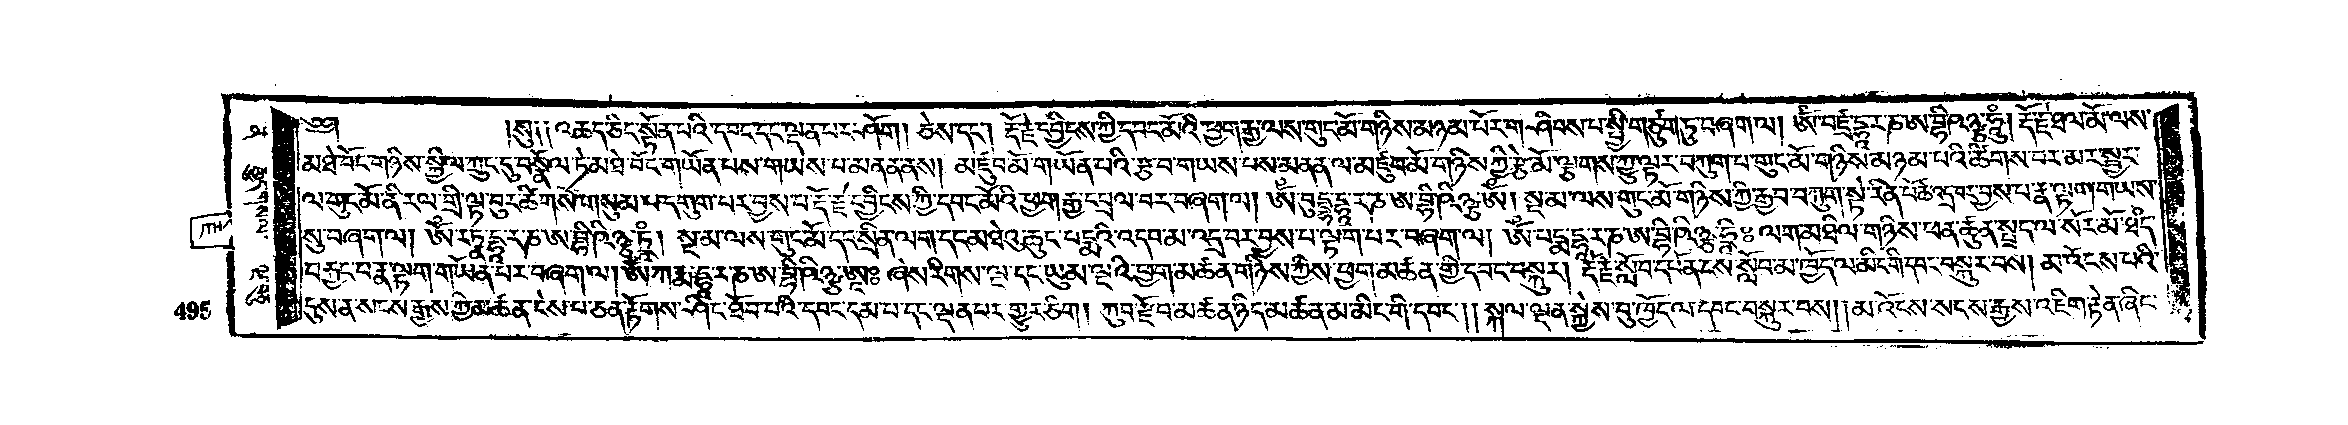༄༅། །སུ། །འཆད་ཅིང་སྟོན་པའི་དབང་དང་ལྡན་པར་ཤོག །ཅེས་དང་། རྡོ་རྗེ་དབྱིངས་ཀྱི་དབང་མོའི་ཕྱག་རྒྱ་ལས་གུང་མོ་གཉིས་མཉམ་པོར་གཤིབས་པ་སྤྱི་གཅུག་ཏུ་བཞག་ལ། ཨོཾ་བཛྲ་དྷཱ་ར་ཎ་ཨ་བྷི་ཥཉྩ་ཧཱུཾ། རྡོ་རྗེ་ཐལ་མོ་ལས་
མཐེ་བོང་གཉིས་སྐྱིལ་ཀྲུང་དུ་བསྣོལ་ཏེ་མཐེ་བོང་གཡོན་པས་གཡས་པ་མནན་ནས། མཛུབ་མོ་གཡོན་པའི་རྩ་བ་གཡས་པས་མནན་ལ་མཛུབ་མོ་གཉིས་ཀྱི་རྩེ་མོ་ལྕགས་ཀྱུ་ལྟར་བཀུག་པ་གུང་མོ་གཉིས་མཉམ་པའི་ཚིགས་པར་མར་སྦྱར་
ལ་གུང་མོ་ནི་རལ་གྲི་ལྟ་བུར་ཚིགས་གསུམ་པ་དགུག་པར་བྱས་པ་རྡོ་རྗེ་དབྱིངས་གྱི་དབང་མོའི་ཕྱག་རྒྱ་དཔྲལ་བར་བཞག་ལ། ཨོཾ་བུདྡྷ་དྷཱ་ར་ཎ་ཨ་བྷི་ཥིཉྩ་ཨོཾ། སྔ་མ་ལས་གུང་མོ་གཉིས་ཀྱི་རྒྱབ་བཀུག་སྟེ་རིན་པོ་ཆེ་འདྲ་བར་བྱས་པ་རྣ་ལྟག་གཡས་
སུ་བཞག་ལ། ཨོཾ་རཏྣ་དྷཱ་ར་ཎ་ཨ་བྷི་ཥིཉྩ་ཏྲཱཾ། སྔ་མ་ལས་གུང་མོ་དང་སྲིན་ལག་དང་མཐེའུ་ཆུང་པདམའི་འདབ་མ་འདྲ་བར་བྱས་པ་ལྟག་པར་བཞག་ལ། ཨོཾ་པདམ་དྷཱ་ར་ཎ་ཨ་བྷི་ཥིཉྩ་ཧྲཱིཿ ལག་མཐིལ་གཉིས་ཕན་ཚུན་སྤྲད་ལ་སོར་མོ་ཐམས་ཅད་
བརྐྱང་པ་རྣ་ལྟག་གཡོན་པར་བཞག་ལ། ཨོཾ་ཀརྨ་དྷཱ་ར་ཎ་ཨ་བྷི་ཥིཉྩ་ཨཱཿ ཞེས་རིགས་ལྔ་དང་ཡུམ་ལྔའི་ཕྱག་མཚན་གཉིས་ཀྱིས་ཕྱག་མཚན་གྱི་དབང་བསྐུར། རྡོ་རྗེ་སློབ་དཔོན་ངས་སློབ་མ་ཁྱོད་ལ་མིང་གི་དབང་བསྐུར་བས། མ་འོངས་པའི་
དུས་ན་སངས་རྒྱས་ཀྱི་མཚན་ངེས་པ་ཅན་རྟོགས་ཤིང་ཐོབ་པའི་དབང་དམ་པ་དང་ལྡན་པར་གྱུར་ཅིག །ཀུབ་རྫོབ་མཚན་ཉིད་མཚན་མ་མིང་གི་དབང་། །སྐལ་ལྡན་སྐྱེས་བུ་ཁྱོད་ལ་དབང་བསྐུར་བས། །མ་འོངས་སངས་རྒྱས་འཇིག་རྟེན་ཞིང་